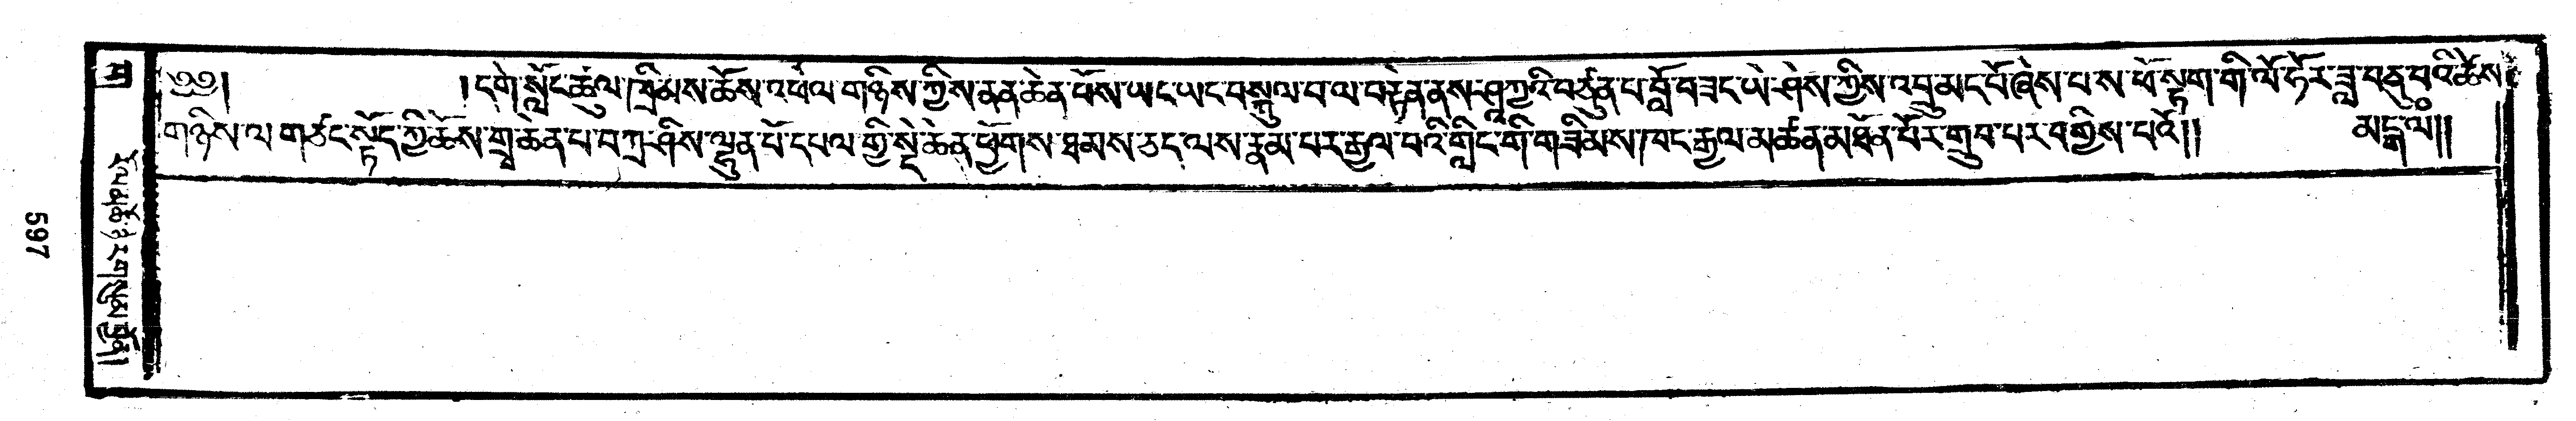༄༅། །དགེ་སློང་ཚུལ་ཁྲིམས་ཆོས་འཕེལ་གཉིས་ཀྱིས་ནན་ཆེན་པོས་ཡང་ཡང་བསྐུལ་བ་ལ་བརྟེན་ནས་ཤཱཀྱའི་བཙུན་པ་བློ་བཟང་ཡེ་ཤེས་ཀྱིས་འབྲུ་མང་པོ་ཞེས་པ་ས་ཕོ་སྟག་གི་ལོ་ཧོར་ཟླ་བཅུ་བའི་ཚེས་
གཉིས་ལ་གཙང་སྟོད་ཀྱི་ཆོས་གྲྭ་ཆེན་པ་བཀྲ་ཤིས་ལྷུན་པོ་དཔལ་གྱི་སྡེ་ཆེན་ཕྱོགས་ཐམས་ཅད་ལས་རྣམ་པར་རྒྱལ་བའི་གླིང་གི་གཟིམས་ཁང་རྒྱལ་མཚན་མཐོན་པོར་གྲུབ་པར་བགྱིས་པའོ།། མངྒ་ལཾ།།